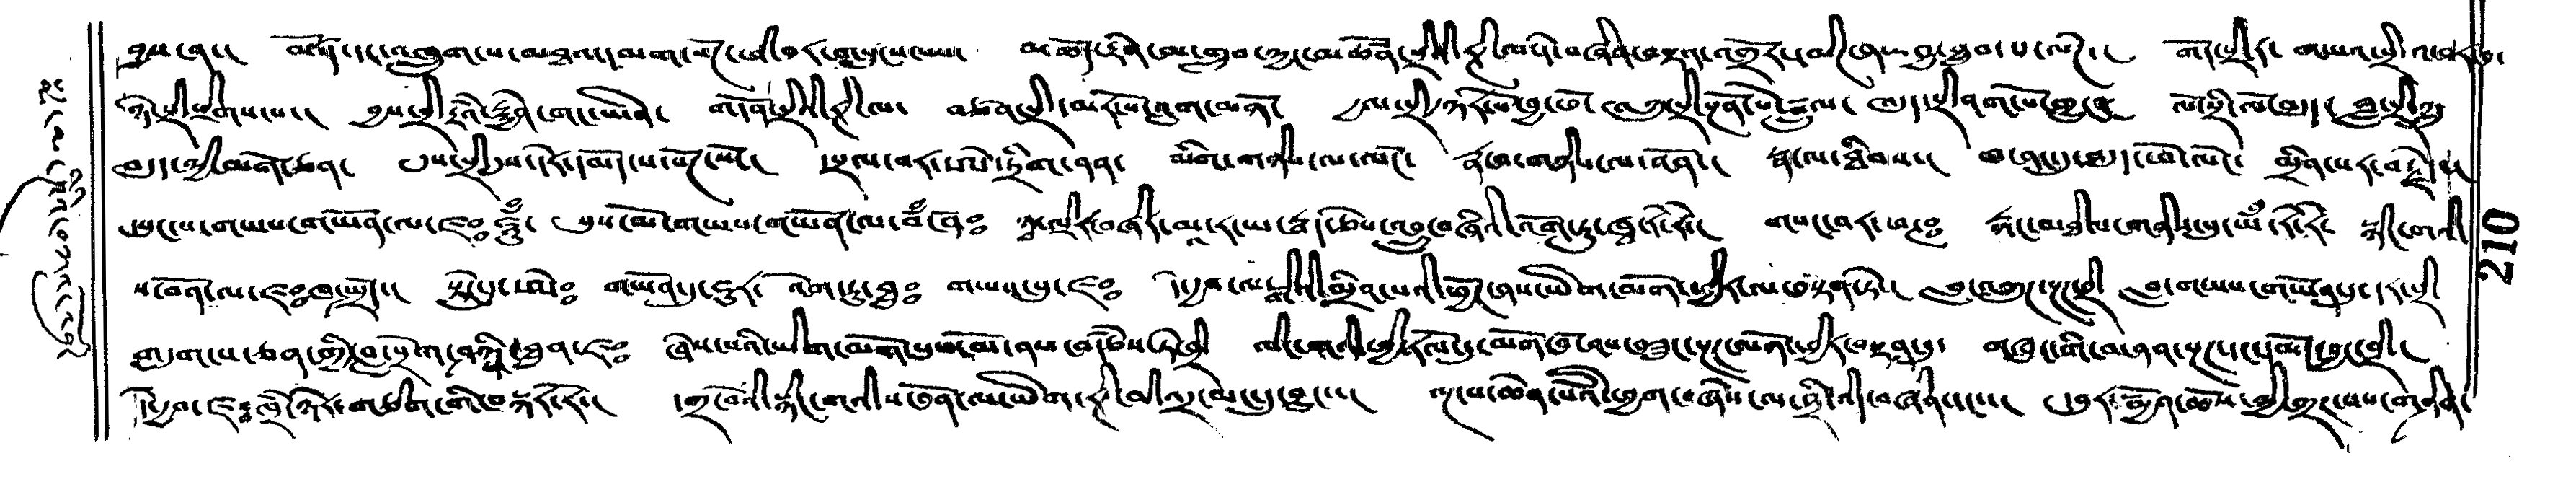བྱས་ན། མཚོན་དང་འཁྲུག་པ་མཐའ་དམག་སོགས་ཞི་བར་གསུངས་པས། མཆོད་རྟེན་མ་གྲུབ་ཀྱང་མཚོན་སྲིའི་རིགས་ལ་དེ་བཞིན་བསྟན་འགྲོར་དམིགས་ནས་བྱ་ཐུབ་ན་ལེགས། གོད་སྲི་ར། གཡའ་སྲི་འཕར་བ། 
ཉེ་སྲི་སྡིག་པ། བྱས་སྲི་རྟའམ་རྐྱེན་གང་ཡིན། གདོན་སྲིའི་རིགས་ལ། བཙན་སྲི་དམར་པོ་འུག་མགོ རྒྱལ་སྲི་དཀར་པོ་བྱ་ཕོ། ཀླུ་སྲི་སྔོན་པོ་སྦྲུལ། བདུད་སྲི་ནག་པོ་ཁྱུང་། ལོ་སྲི་ལོ་བདུད། ཟླ་སྲི་ཀླུ་
བདུད་ཀྱི་མགོ་ཅན། དུས་སྲི་དུས་དེར་དམོད་པ་སོགས་སོ། དཔྲལ་བར་ཨེ་ཏྲིག་ནན། མིག་གཉིས་ལ་ལོང། རྣ་བ་གཉིས་ལ་འོན། སྣ་ལ་ཐིབས། ཁ་ནང་དུ་བདུད་ཕོ་ལོང་། མགྲིན་པར་བརྗེད། 
དཔུང་པ་གཡས་གཡོན་ལ་ཛཿཧཱུྃ། པུས་མོ་གཡས་གཡོན་ལ་བྃ་ཧོཿ ཉྭ་ལྡིར་བཞིར་མཱ་ར་ཡ་རྦད་ཅེས་འབྲུ་བཞིའི་འོག་ཏུ་ཞྭ་རེ་རེ། གསང་བར་ཕཊཿ རྐང་མཐིལ་གཉིས་སུ་ཡྃ་རེ་རེ། སྙིང་གའི་
ས་བོན་ལ་ཛཿཁ་སྤྲོད། སྟེང་དུ་ཨེཿ གཡོན་དུ་ཧུར། འོག་ཏུ་ཐུཾཿ གཡས་སུ་ཛཿ དེ་རྒྱབ་ལིངྒའི་མགྲིན་པའི་ཕྱོགས་ནས་ཡིག་མགོ་ཕྱིར་ལ་བསྟན་ཏེ། བླ་འགུགས་སྔགས་བྲི། བརླ་གཡས་གཡོན་དུ་དར་སྲི་
གདུག་པ་ཅན་གྱི་བླ་སྲོག་ཤཀྟི་ཐུན་ཛཿ ཞེས་པའི་ཡིག་མགོ་པུས་མོ་ནས་བརྩམས་ཏེ་བྲི། ལིང་གའི་ཕྱི་རོལ་དུ་མགོ་བོ་ནས་བཟུང་སྔགས་མགོ་ཕྱིར་བསྟན་དུ། གཞུང་གི་མནན་སྔགས་དང་དམོད་བྱང་བྲི།
དེ་རྒྱབ་ཛཿཁྲམ་ཉེར་གཅིག་གི་བསྐོར་རེ། དགྲ་བོའི་སྙིང་གའི་ས་བོན་ལ་ཡིག་རིགས་མི་འདྲ་མང་དུ་བྱུང་། ལྔ་པ་ཆེན་པོའི་ཕྱག་བཞེས་ལ་ནྲི་འདི་བཞིན་དང་། དབུར་སྨྱོན་ཆོས་ཀྱི་གྲགས་པས་གཤིན་